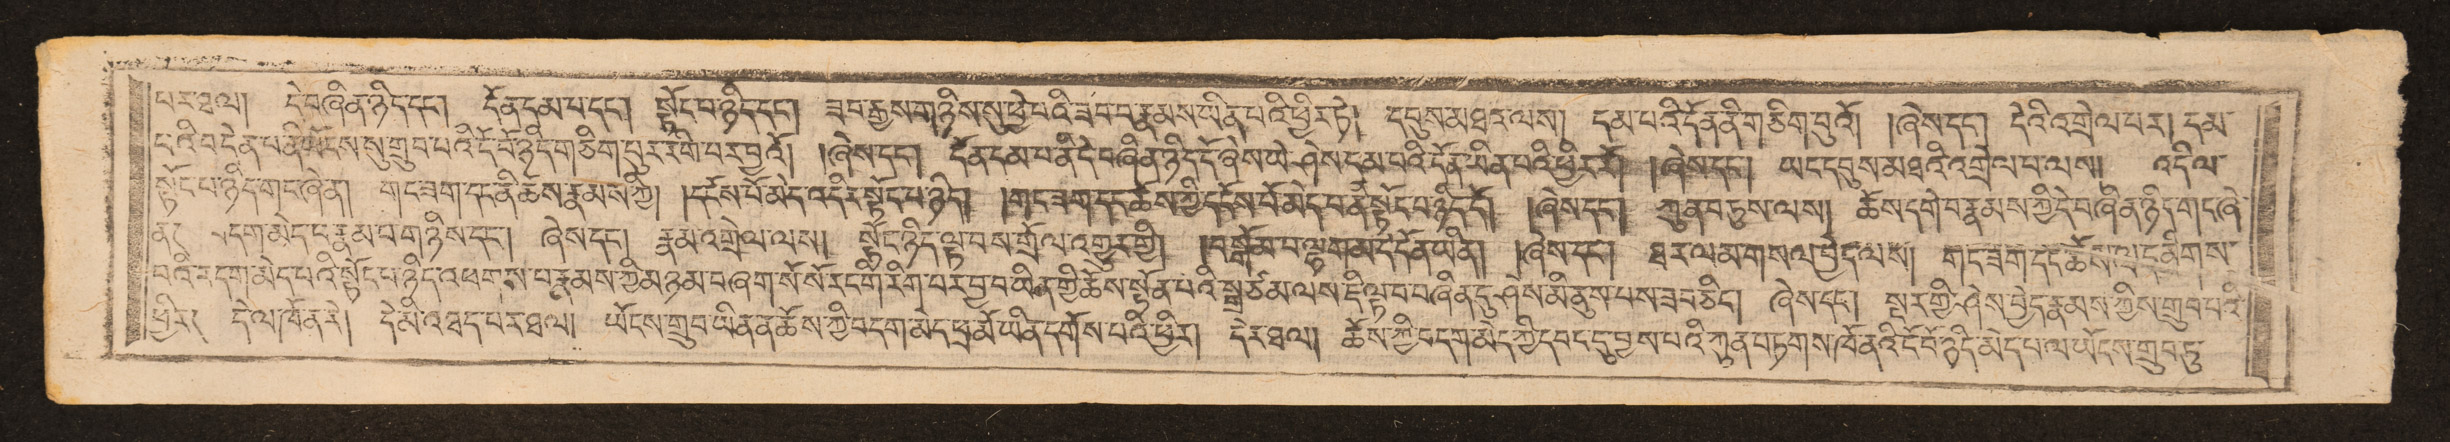པར་ཐལ། དེ་བཞིན་ཉིད་དང་། དོན་དམ་པ་དང་། སྟོང་པ་ཉིད་དང་། ཟབ་རྒྱས་གཉིས་སུ་ཕྱི་བའི་ཟབ་པ་རྣམས་ཡིན་པའི་ཕྱིར་ཏེ། དབུས་མཐའ་ལས། དམ་པའི་དོན་ནི་གཅིག་པུའོ། །ཞེས་དང་། དེའི་འགྲེལ་པར། དམ་
པའི་བདེན་པ་ནི་ཡོངས་སུ་གྲུབ་པའི་ངོ་བོ་ཉིད་གཅིག་པུར་རིག་པར་བྱའོ། །ཞེས་དང་། དོན་དམ་པ་ནི་དེ་བཞིན་ཉིད་དོ་ཞེས་ཡེ་ཤེས་དམ་པའི་དོན་ཡིན་པའི་ཕྱིར་རོ། །ཞེས་དང་། ཡང་དབུས་མཐའི་འགྲེལ་པ་ལས། འདི་ལ་
སྟོང་པ་ཉིད་གང་ཞེ་ན། གང་ཟག་དང་ནི་ཆོས་རྣམས་ཀྱི། །དངོས་པོ་མེད་འདིར་སྟོང་པ་ཉིད། །གང་ཟག་དང་ཆོས་ཀྱི་དངོས་པོ་མེད་པ་ནི་སྟོང་པ་ཉིད་དོ། །ཞེས་དང་། ཀུན་བཏུས་ལས། ཆོས་དགེ་བ་རྣམས་ཀྱི་དེ་བཞིན་ཉིད་གང་ཞེ་
ན༑ བདག་མེད་པ་རྣམ་པ་གཉིས་དང་། ཞེས་དང་། རྣམ་འགྲེལ་ལས། སྟོང་ཉིད་ལྟ་བས་གྲོལ་འགྱུར་གྱི། །བསྒོམ་པ་ལྷག་མ་དེ་དོན་ཡིན། །ཞེས་དང་། ཐར་ལམ་གསལ་བྱེད་ལས། གང་ཟག་དང་ཆོས་ལ་དམིགས་
པའི་བདག་མེད་པའི་སྟོང་པ་ཉིད་འཕགས་པ་རྣམས་ཀྱི་མཉམ་བཞག་སོ་སོ་རང་གི་རིག་པར་བྱ་བ་ཡིན་གྱི་ཆོས་སྟོན་པའི་སྒྲ་ཙམ་ལས་ཇི་ལྟ་བ་བཞིན་དུ་ཤེས་མི་ནུས་པས་ཟབ་ཅིང་། ཞེས་དང་། སྔར་གྱི་ཤེས་བྱེད་རྣམས་ཀྱིས་གྲུབ་པའི་
ཕྱིར༑ དེ་ལ་ཁོ་ན་རེ། དེ་མི་འཐད་པར་ཐལ། ཡོངས་གྲུབ་ཡིན་ན་ཆོས་ཀྱི་བདག་མེད་ཕྲ་མོ་ཡིན་དགོས་པའི་ཕྱིར། དེར་ཐལ། ཆོས་ཀྱི་བདག་མེད་ཀྱི་དབང་དུ་བྱས་པའི་ཀུན་བཏགས་ཁོ་ནའི་ངོ་བོ་ཉིད་མེད་པ་ལ་ཡོངས་གྲུབ་ཏུ་